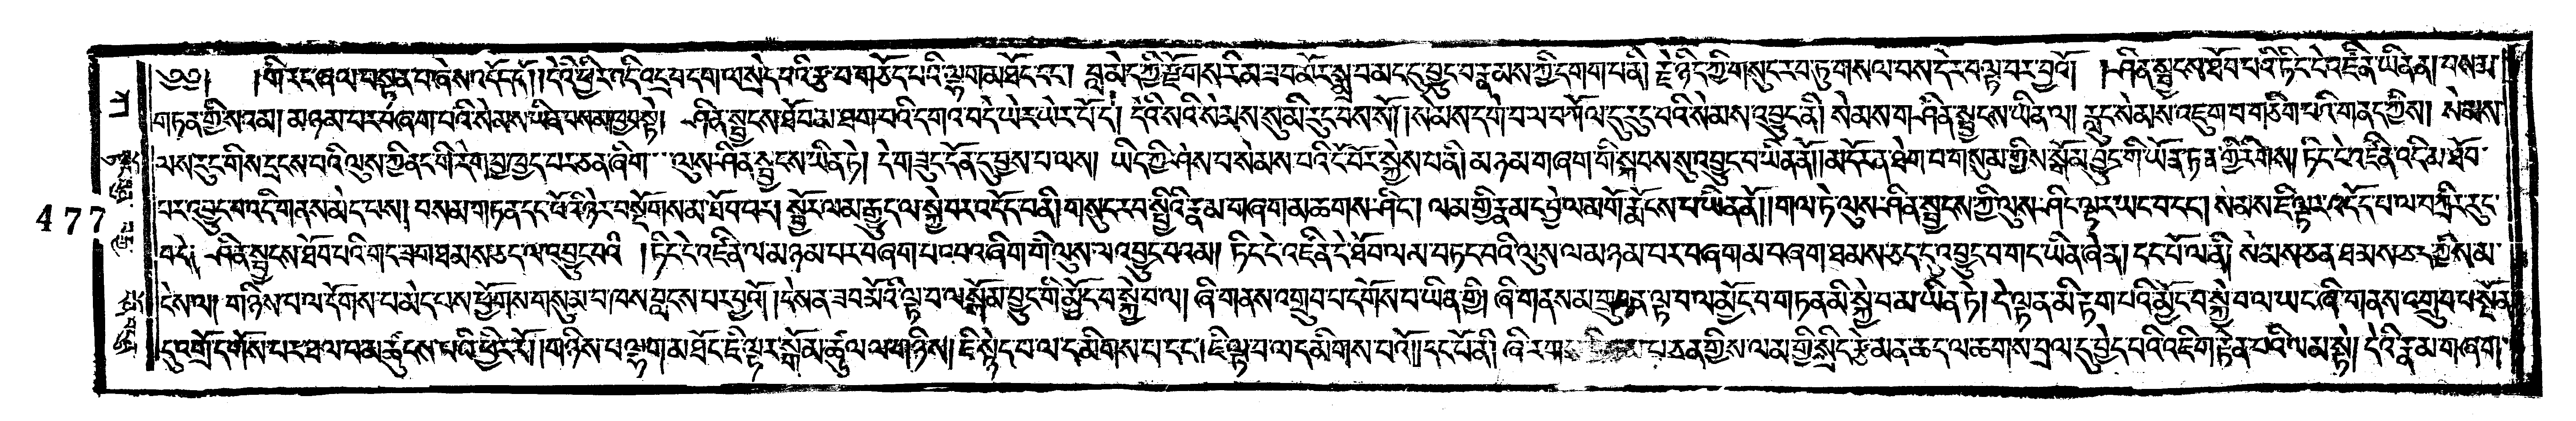༄༅། །གི་རང་ཞལ་བསྟན་པ་ཞེས་འདོད་དོ། །དེའི་ཕྱིར་འདི་འདྲ་བ་དག་ལ་སྲེད་པའི་རྩ་བ་གཅོད་པའི་ལྷག་མཐོང་དང་། བླ་མེད་ཀྱི་རྫོགས་རིམ་ཟབ་མོར་སྨྲ་བ་མང་དུ་བྱུང་བ་རྣམས་ཀྱི་དགག་པ་ནི། རྗེ་ཉིད་ཀྱི་གསུང་རབ་ཏུ་གསལ་བས་དེར་བལྟ་བར་བྱའོ། །ཤིན་སྦྱངས་ཐོབ་བའི་ཏིང་ངེ་འཛིན་ཡིན་ན། བསམ་
གཏན་གྱི་སའམ། མཉམ་པར་བཞག་བའི་སེམས་ཡིན་བསམ་ཁྱབ་སྟེ། ཤིན་སྦྱངས་ཐོབ་མ་ཐག་པའི་དགའ་བདེ་ཡེར་ཡེར་པོ་དེ། དེའི་སའི་སེམས་སུ་མི་རུང་བས་སོ། །སེམས་དགེ་བ་ལ་བཀོལ་དུ་རུང་བའི་སེམས་འབྱུང་ནི། སེམས་གཤིན་སྦྱངས་ཡིན་ལ། རླུང་སེམས་འཇུག་པ་གཅིག་པའི་གནད་ཀྱིས། སེམས་
ལས་རུང་གིས་དྲངས་བའི་ལུས་ཀྱི་ནང་གི་རེག་བྱ་ཁྱད་པར་ཅན་ཞིག་ལུས་ཤིན་སྦྱངས་ཡིན་ཏེ། དེ་གཟུང་དོན་དུ་བྱས་པ་ལས། ཡིད་ཀྱི་ཤེས་པ་སེམས་བའི་ངོ་བོར་སྐྱེས་བ་ནི། མཉམ་གཞག་གི་སྐབས་སུ་འབྱུང་བ་ཡིན་ནོ། །མདོར་ན་ཐེག་པ་གསུམ་གྱིས་སྒོམ་བྱུང་གི་ཡོན་ཏན་གྱི་རིགས། ཏིང་ངེ་འཛིན་འདི་མ་ཐོབ་
བར་འབྱུང་བ་འདི་གནས་མེད་པས། བསམ་གཏན་དང་པོའི་ཉེར་བསྡོགས་མ་ཐོབ་པར། སྦྱོར་ལམ་རྒྱུད་ལ་སྐྱེ་བར་འདོད་བ་ནི། གསུང་རབ་སྤྱིའི་རྣམ་གཞག་མ་ཆགས་ཤིང་། ལམ་གྱི་རྣམ་དབྱེ་ལ་མགོ་?་རྨོངས་པ་ཡིན་ནོ། །གལ་ཏེ་ལུས་ཤིན་སྦྱངས་ཀྱི་ལུས་ཤིང་ལྟར་ཡང་བ་དང་། སེམས་ཇི་ལྟར་འདོད་པ་ལ་བཀྲིར་རུང་
བདེ༑ ཤིན་སྦྱངས་ཐོབ་པའི་གང་ཟག་ཐམས་ཅད་ལ་འབྱུང་བའི། །ཏིང་ངེ་འཛིན་ལ་མཉམ་པར་བཞག་པ་འབའ་ཞིག་གི་ལུས་ལ་འབྱུང་བའམ། ཏིང་ངེ་འཛིན་དེ་ཐོབ་ལ་མ་བཏང་བའི་ལུས་ལ་མཉམ་པར་བཞག་མ་བཞག་ཐམས་ཅད་དུ་འབྱུང་བ་གང་ཡིན་ཞེ་ན། དང་པོ་ལ་ནི། སེམས་ཅན་ཐམས་ཅད་ཀྱིས་མ་
ངེས་ལ། གཉིས་པ་ལ་དོགས་པ་མེད་ལས་ཕྱོགས་གསུམ་པ་ཁས་བླངས་པར་བྱའོ། །དེས་ན་ཟབ་མོའི་ལྟེ་བ་ལ་སྒོམ་བྱུང་གི་མྱོང་བ་སྐྱེ་བ་ལ། ཞི་གནས་འགྲུབ་པ་དགོས་བ་ཡིན་གྱི། ཞི་གནས་མ་གྲུབ་ན་ལྟ་བ་ལ་མྱོང་བ་གཏན་མི་སྐྱེ་བ་མ་ཡིན་ཏེ། དེ་ལྟན་མི་རྟག་པའི་མྱོང་བ་སྐྱེ་བ་ལ་ཡང་ཞི་གནས་འགྲུབ་བ་སྔོན་
དུ་འགྲོ་དགོས་པར་ཐལ་བ་མཚུངས་པའི་ཕྱིར་རོ། །གཉིས་པ་ལྷག་མཐོང་ཇི་ལྟར་སྒོམ་ཚུལ་ལ་གཉིས། ཇི་སྙེད་པ་ལ་དམིགས་པ་དང་། ཇི་ལྟ་བ་ལ་དམིགས་པའོ། །དང་པོ་ནི། ཞི་རགས་ཀྱི་རྣམ་པ་ཅན་གྱིས་ལམ་གྱི་སྲིད་རྩེ་མན་ཆད་ལ་ཆགས་བྲལ་དུ་བྱེད་བའི་འཇིག་རྟེན་པའི་ལམ་སྟེ། དེའི་རྣམ་གཞག་